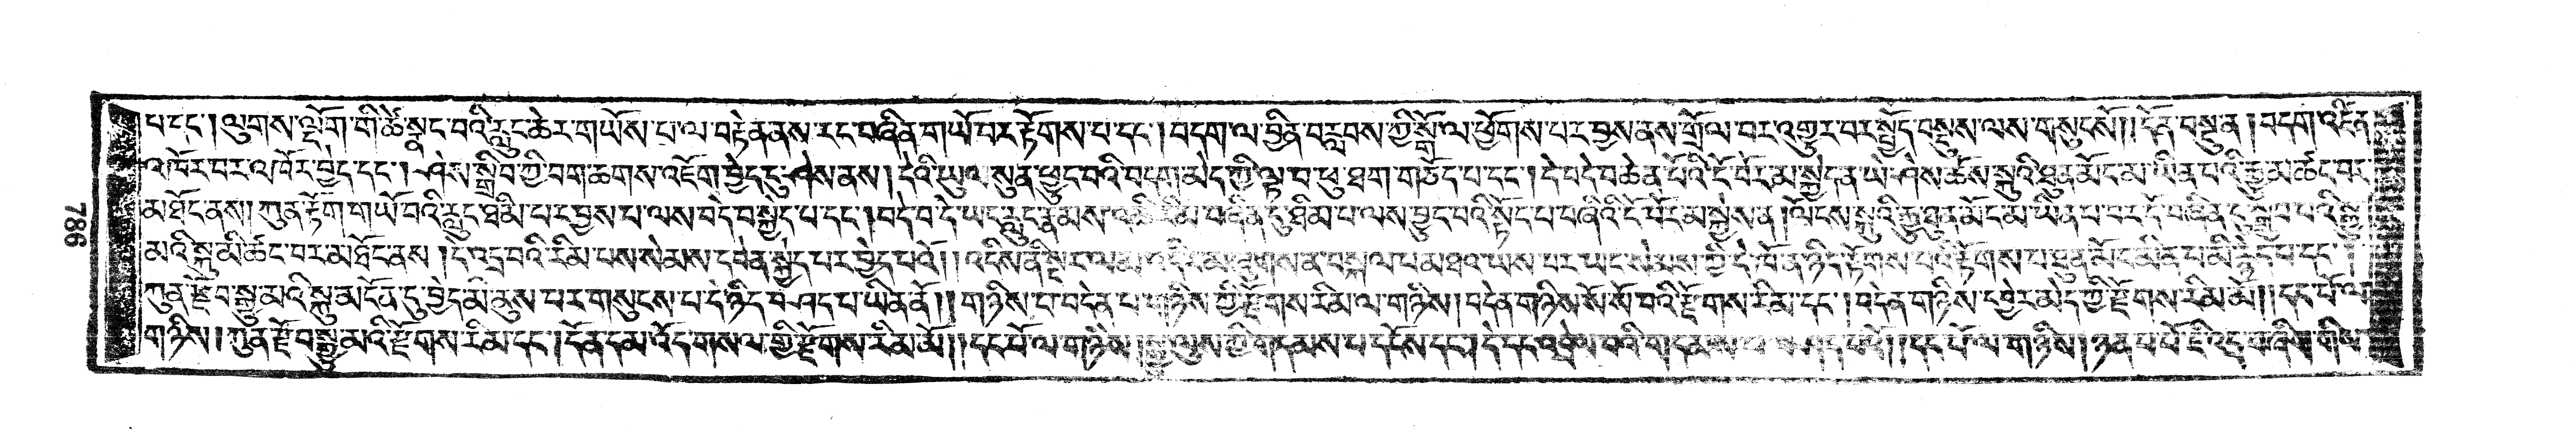པ་དང་། ལུགས་ལྡོག་གི་ཚེ་སྣང་བའི་རླུང་ཆེར་གཡོས་པ་ལ་བརྟེན་ནས་རང་བཞིན་གཡོ་བར་རྟོགས་པ་དང་། བདག་ལ་བྱིན་བརླབས་ཀྱི་སྒྲོ་ལ་ཕྱོགས་པར་བྱས་ནས་གྲོལ་བར་འགྱུར་བར་སྤྱོད་བསྡུས་ལས་གསུངས་སོ། །དོན་བསྡུ་ན། བདག་འཛིན་
འཁོར་བར་འཁོར་བྱེད་དང་། ཤེས་སྒྲིབ་ཀྱི་བག་ཆགས་འཇོག་བྱེད་དུ་ཤེས་ནས། དེའི་ཡུལ་སུན་ཕྱུང་བའི་བདག་མེད་ཀྱི་ལྟ་བ་ཕྱ་ཐག་གཅོད་པ་དང་། དེ་བདེ་བ་ཆེན་པོའི་ངོ་བོར་མ་སྐྱེད་ན་ཡེ་ཤེས་ཆོས་སྐུའི་ཐུན་མོང་མ་ཡིན་པའི་རྒྱུ་མ་ཚང་བར་
མཐོང་ནས། ཀུན་རྟོག་གཡོ་བའི་རླུང་ཐིམ་པར་བྱས་པ་ལས་བདེ་བ་སྐྱེད་པ་དང་། བདེ་བ་དེ་ཡང་རླུང་རྣམས་འཆི་རིམ་བཞིན་དུ་ཐིམ་པ་ལས་བྱུང་བའི་སྟོང་པ་བཞིའི་ངོ་བོར་མ་སྐྱེད་ན། ལོངས་སྐུའི་རྒྱུ་ཐུན་མོང་མ་ཡིན་པ་བར་དོ་བཞིན་དུ་སྒྲུབ་པའི་སྒྱུ་
མའི་སྐུ་མི་ཙང་བར་མཐོང་ནས། དེ་འདྲ་བའི་རིམ་པས་སེམས་དབེན་སྐྱེད་པར་བྱེད་པའོ། །འདིས་ནི་སྔར་ལམ་འདིར་མ་ཞུགས་ན་བསྐལ་པ་མཐའ་ཡས་པར་ཡང་སེམས་ཀྱི་དེ་ཁོ་ན་ཉིད་རྟོགས་པའི་རྟོགས་པ་ཐུན་མོང་པ་མི་རྙེད་པ་དང་།
ཀུན་རྫོབ་སྒྱུ་མའི་སྐུ་མངོན་དུ་བྱེད་མི་ནུས་པར་གསུངས་པ་དེ་ཉིད་བཤད་པ་ཡིན་ནོ། །གཉིས་པ་བདེན་པ་གཉིས་ཀྱི་རྫོགས་རིམ་ལ་གཉིས། བདེན་གཉིས་སོ་སོ་བའི་རྫོགས་རིམ་དང་། བདེན་གཉིས་དབྱེར་མེད་ཀྱི་རྫོགས་རིམ་མོ། །དང་པོ་ལ་
གཉིས། ཀུན་རྫོབ་སྒྱུ་མའི་རྫོགས་རིམ་དང་། དོན་དམ་འོད་གསལ་གྱི་རྫོགས་རིམ་མོ། །དང་པོ་ལ་གཉིས། སྒྱུ་ལུས་ཀྱི་གདམས་པ་དངོས་དང་། དེ་དང་འབྲེལ་བའི་གདམས་པ་བཤད་པའོ། །དང་པོ་ལ་གཉིས། ཉན་པ་པོ་ཇི་འདྲ་བ་ཞིག་གིས་